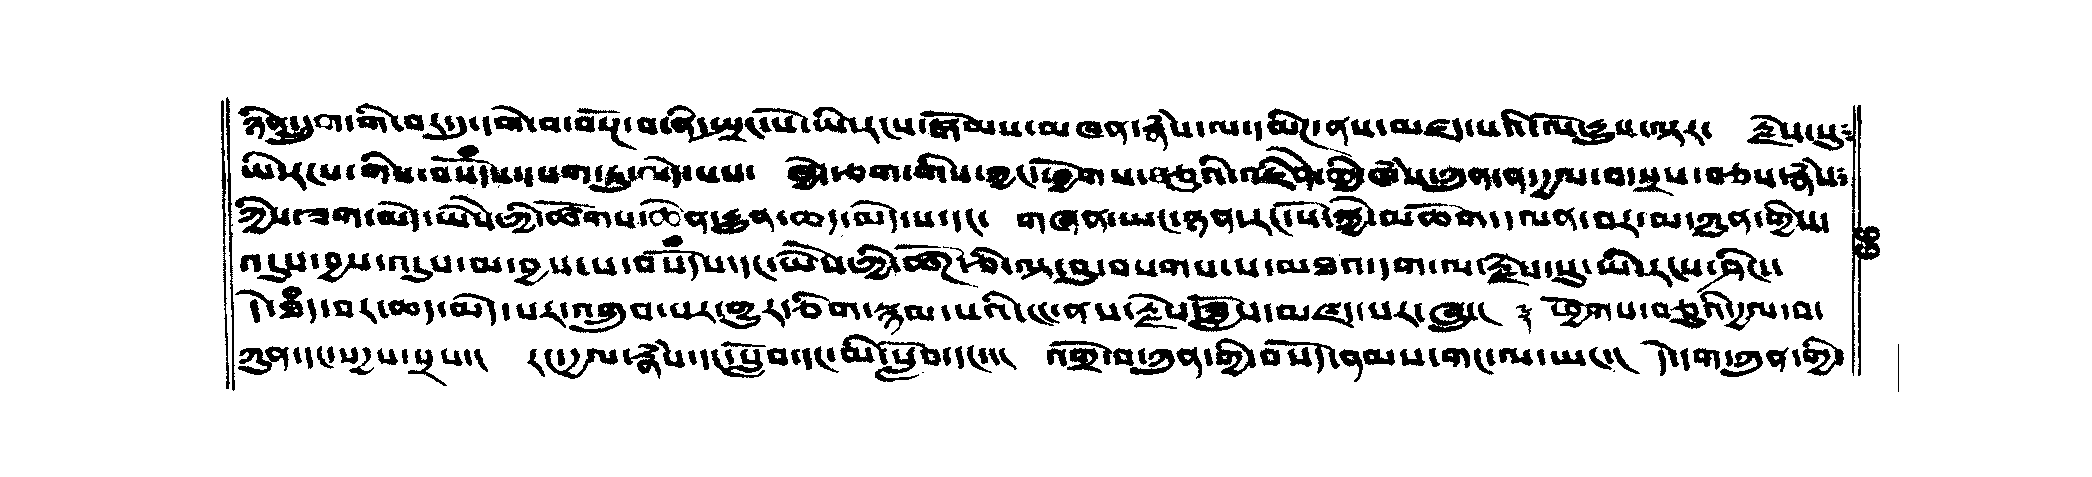ཉིན་དྲུག་གི་བར་དུ་དགེ་བ་བསྔོ་བ་ནི་སྤྲང་པོ་ཡི་རངས་སྒོམས་མཁན་རྣམས་ལ་དམིགས་ནས་མཛད་པའི་ལོ་རྒྱུས་ལྟར། རྗེས་སུ་
ཡི་རངས་ཀྱིས་བསོད་ནམས་དཔག་ཏུ་མེད་པས། ཁྱེད་ཅག་གིས་ཀྱང་ཕྱོགས་བཅུའི་འཇིག་རྟེན་གྱི་ཁམས་ཀུན་ན་རྒྱལ་བ་སྲས་བཅས་རྣམས་
སྐྱིས་ཟག་མེད་ཡེ་ཤེས་ཀྱི་ཚོགས་ཆེན་རྒྱུན་ཆད་མེད་པ་དང་། གཞན་ཡང་ཉན་རང་སོ་སྐྱེ་མཆོག་དམན་བར་མ་ཀུན་གྱིས་
འདུས་བྱས་འདུས་མ་བྱས་པ་བསོད་ནམས་དང་ཡེ་ཤེས་ཀྱི་ཚོགས་ཅི་ལྟ་བུ་བསགས་པ་མཐའ་དག་ལ་རྗེས་སུ་ཡི་རངས་ཤིང་། 
དེ་ཐམས་ཅད་བར་ཆད་མེད་པར་འགྲུབ་པར་གྱུར་ཅིག་སྙམ་པའི་ངང་ནས་རྗེས་ཟློས་མཛད་པར་ཞུ། ༈ ཕྱོགས་བཅུའི་རྒྱལ་བ་
ཀུན་དང་སངས་རྒྱས་སྲས། རང་རྒྱལ་རྣམས་དང་སློབ་དང་མི་སློབ་དང་། འགྲོ་བ་ཀུན་གྱི་བསོད་ནམས་གང་ལ་ཡང་། དེ་དག་ཀུན་གྱི་